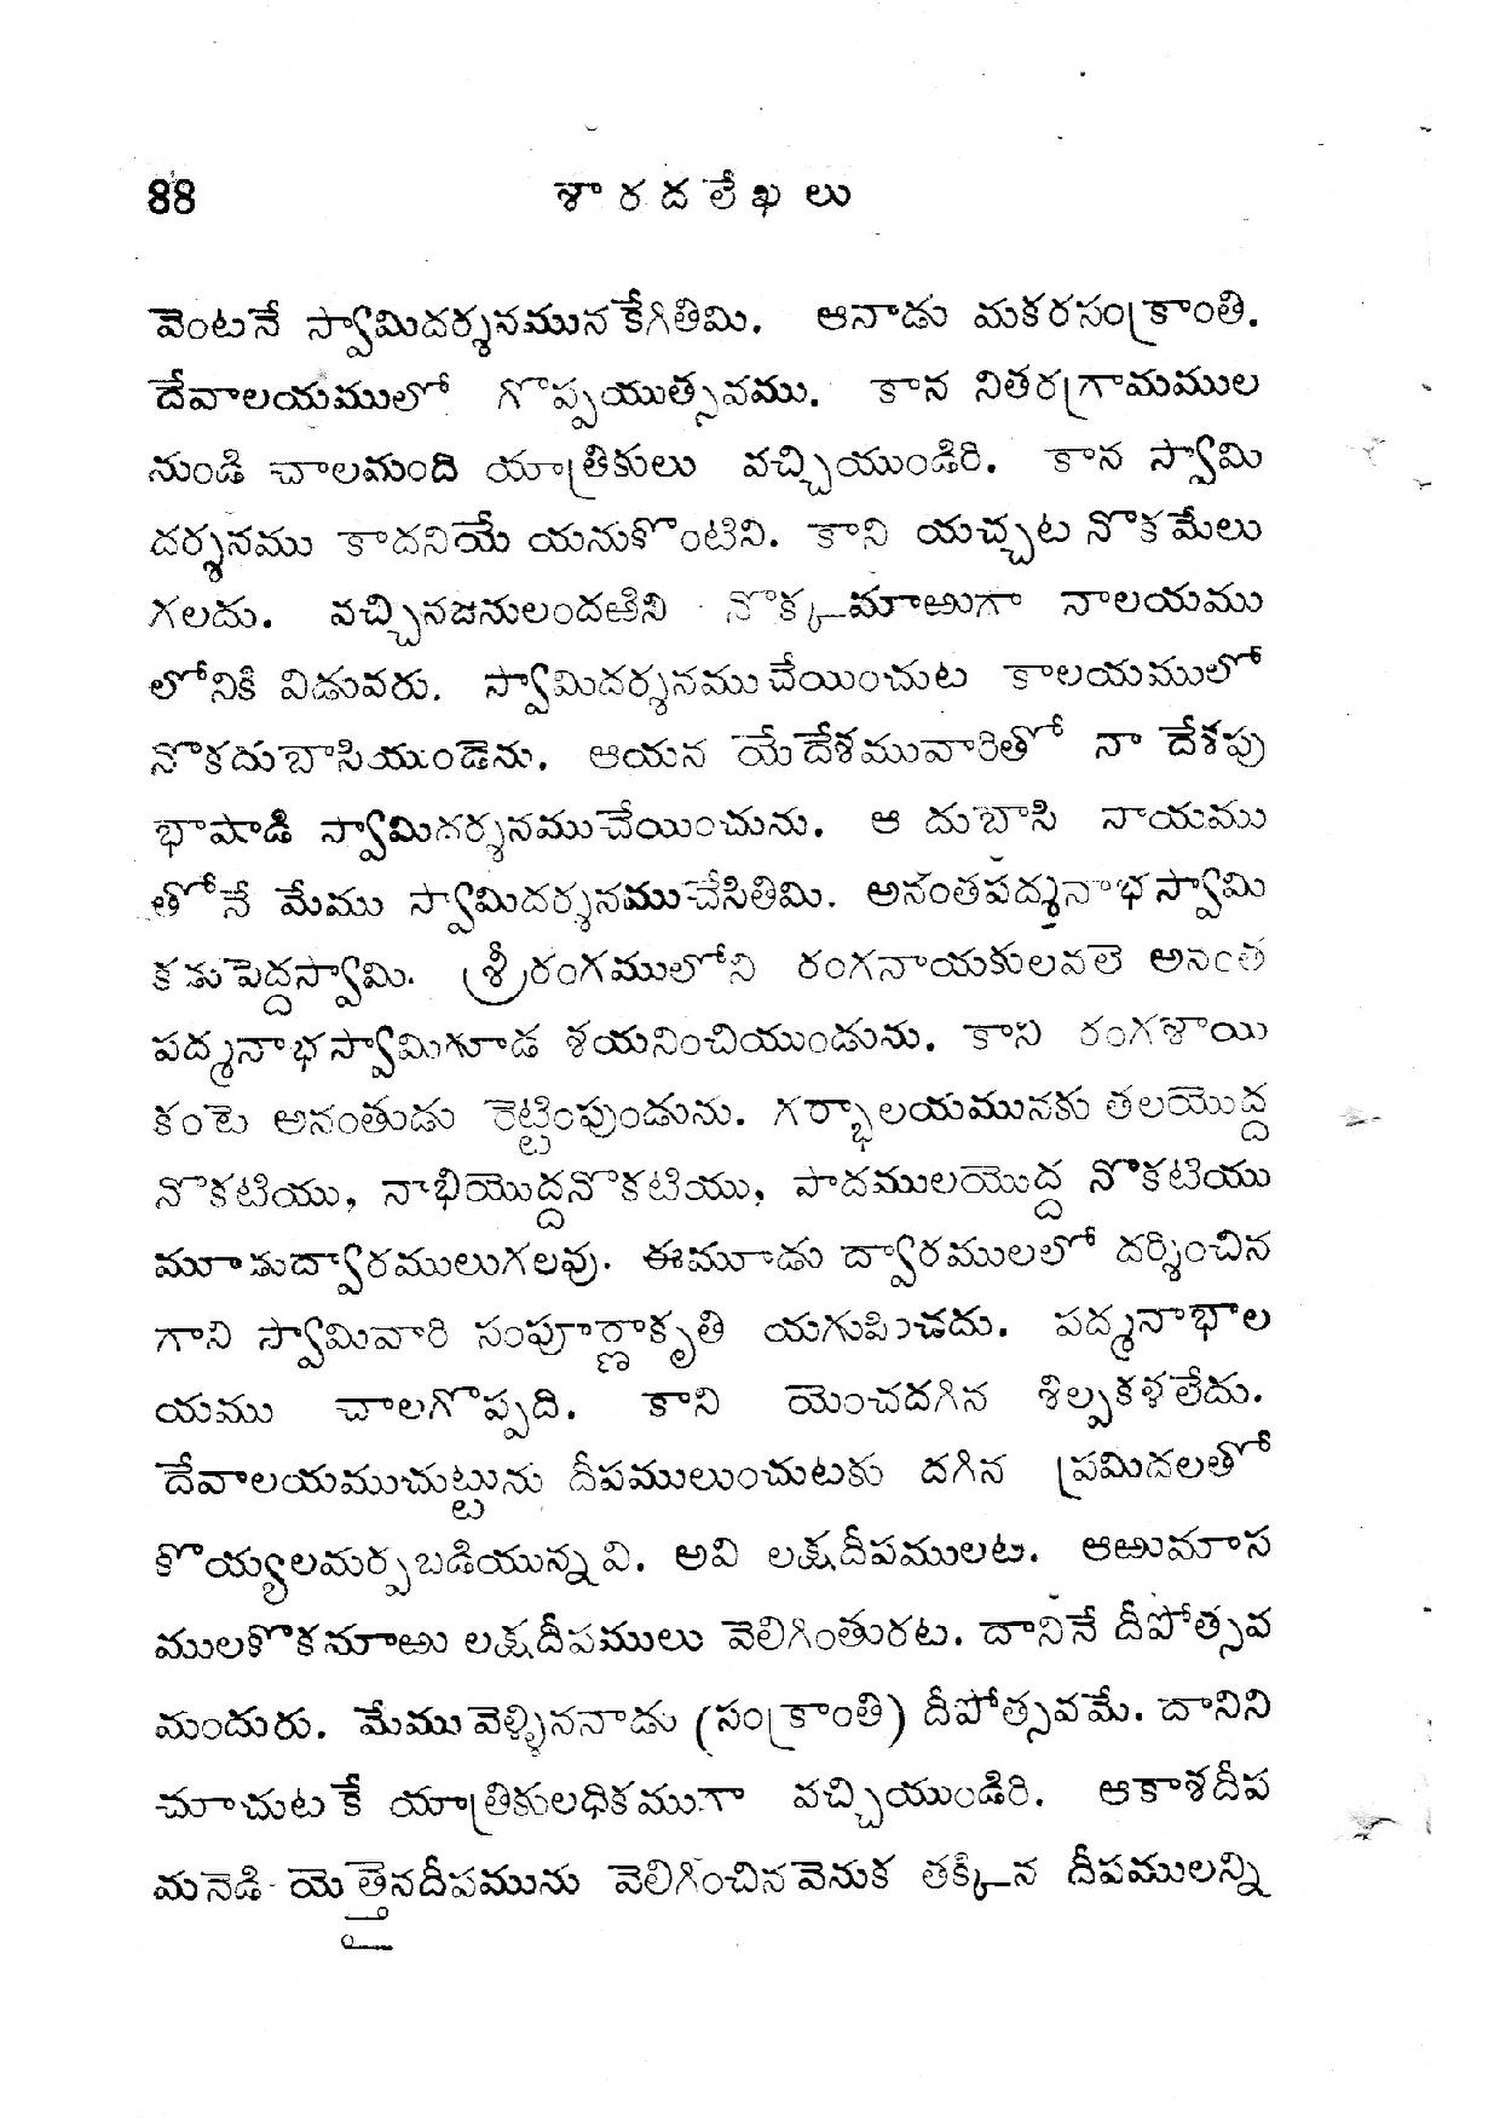వెంటనే స్వామిదర్శనమునకేగితిమి. ఆనాడు మకరసంక్రాంతి. దేవాలయములో గొప్పయుత్సవము. కాన నితరగ్రామముల నుండి చాలమంది యాత్రికులు వచ్చియుండిరి. కాన స్వామిదర్శనము కాదనియే యనుకొంటిని. కాని యచ్చట నొకమేలు గలదు. వచ్చినజనులందఱిని నొక్కమాఱుగా నాలయములోనికి విడువరు. స్వామిదర్శనముచేయించుట కాలయములో నొకదుబాసియుండెను. ఆయన యేదేశమువారితో నా దేశపు భాషాడి స్వామిదర్శనము చేయించును. ఆ దుబాసి నాయముతోనే మేము స్వామిదర్శనము చేసితిమి. అనంతపద్మనాభస్వామి కడుపెద్దస్వామి. శ్రీరంగములోని రంగనాయకులవలె అనంత
పద్మనాభస్వామిగూడ శయనించియుండును. కాని రంగశాయికంటె అనంతుడు రెట్టింపుండును. గర్భాలయమునకు తలయొద్ద నొకటియు, నాభియొద్దనొకటియు, పాదములయొద్ద నొకటియు
మూడుద్వారములుగలవు. ఈమూడు ద్వారములలో దర్శించినగాని స్వామివారి సంపూర్ణాకృతి
యగుపించదు. పద్మనాభాలయము చాల గొప్పది. కాని యెంచదగిన శిల్పకళలేదు. దేవాలయముచుట్టును దీపములుంచుటకు దగిన ప్రమిదలతో కొయ్యలమర్పబడియున్నవి. అవి లక్షదీపములట. అఱుమాసములకొకమాఱు లక్షదీపములు వెలిగింతురట. దానినే దీపోత్సవ మందురు. మేమువెళ్ళిననాడు (సంక్రాంతి) దీపోత్సవమే. దానిని చూచుటకే యాత్రికులధికముగా వచ్చియుండిరి. ఆకాశదీపమనెడి యెత్తైనదీపమును వెలిగించినవెనుక తక్కిన దీపములన్ని